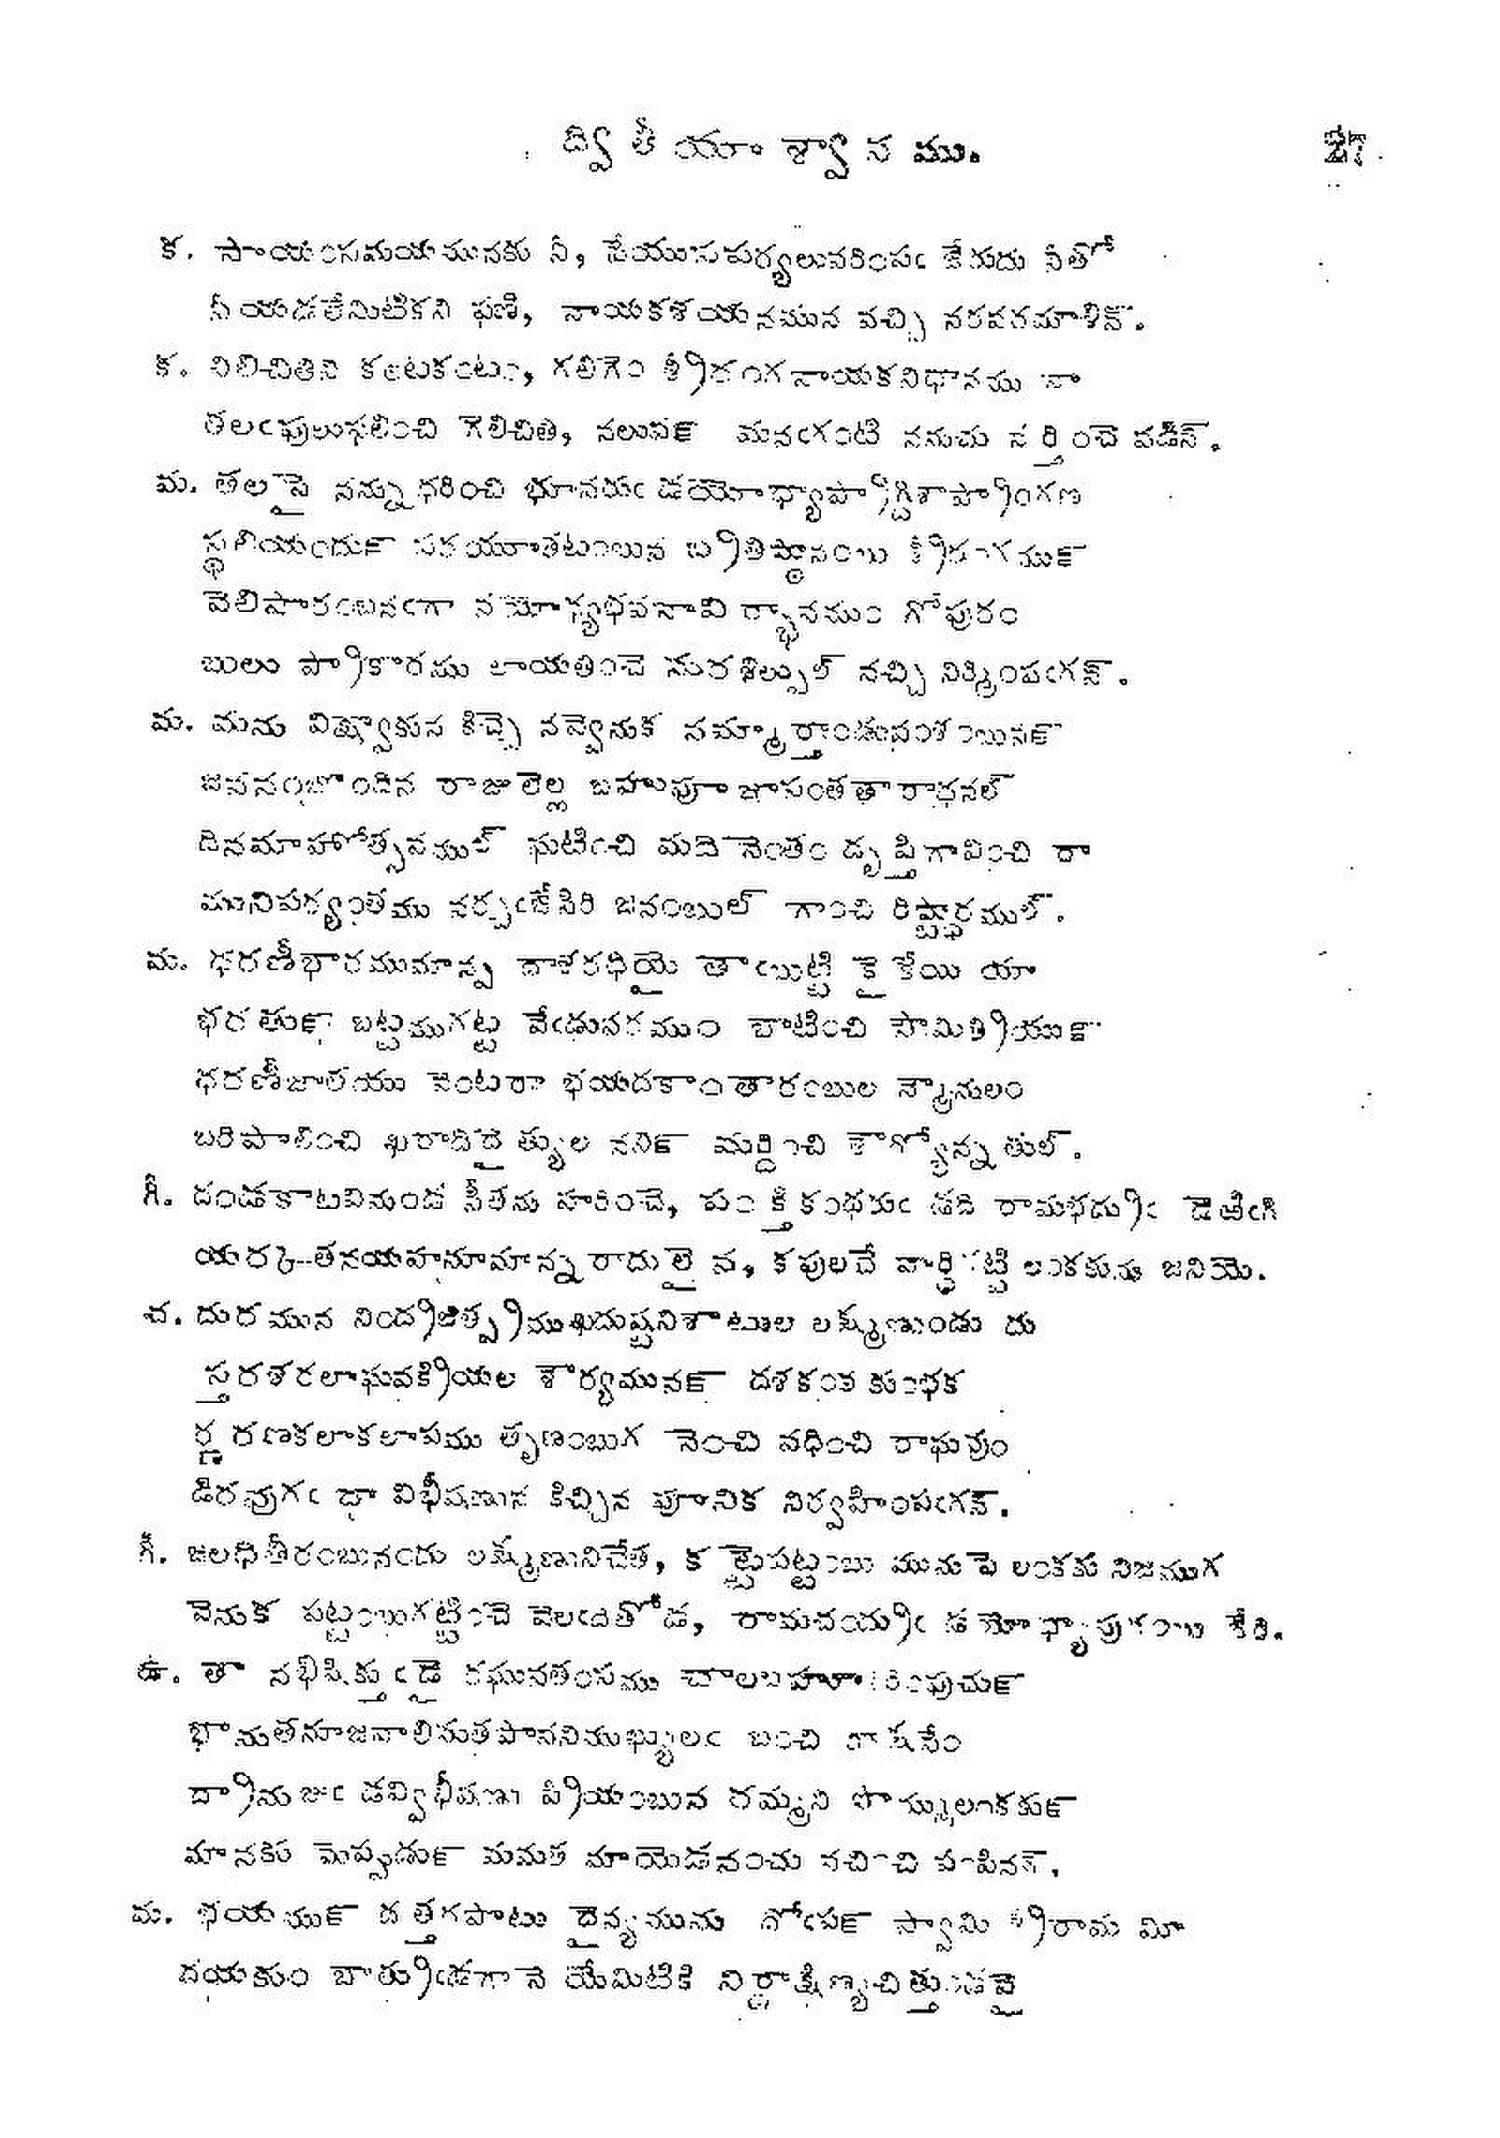క. సాయంసమయమునకు నీ, సేయుసపర్యలు వరింపఁ జేరుదు నీతో
 నీయడ లేమిటికని ఫణి, నాయకశయనమున వచ్చి నరవరమౌళిన్.
క. నిలిచితిని కంటకంటం, గలిగెం శ్రీరంగనాయకనిధానము నా
 తలఁపులు ఫలించి గెలిచితి, నలువన్ మనఁగంటి ననుచు వర్తించె వడిన్.
మ. తలపై నన్ను ధరించి భూవరుఁ డయోధ్యాప్రాగ్దిశాప్రాంగణ
 స్థలియందున్ సరయూతటంబున బ్రతిష్ఠానంబు శ్రీరంగమున్
 వెలిసారం బనఁగా నయోధ్యభవనావిర్భావముం గోపురం
 బులు ప్రాకారము లాయతించె సురశిల్పుల్ వచ్చి నిర్మింపఁగన్.
మ. మను విక్ష్వాకున కిచ్చె నన్వెనుక నమ్మార్తాండువంశంబునన్
 జననంబొందిన రాజులెల్ల బహుపూజాసంతతారాధనల్
 దినమాహోత్సవముల్ ఘటించి మది నెంతం దృప్తిగావించి రా
 మునిపర్యంతము నర్చఁజేసిరి జనంబుల్ గాంచి రిష్టార్థముల్.
మ. ధరణీభారముమాన్ప దాశరథియై తాఁబుట్టి కైకేయి యా
 భరతున్ బట్టముగట్ట వేఁడువరముం బాటించి సౌమిత్రియున్
 ధరణీజాతయు వెంటరా భయదకాంతారంబుల న్మౌనులం
 బరిపాలించి ఖరాదిదైత్యుల ననిన్ మర్దించి శౌర్యోన్నతుల్.
గీ. దండకాటవినుండ సీతను హరించె, పంక్తికంధరుఁ డది రామభద్రుఁ డెఱిఁగి
 యర్కతనయహనూమాన్నరాదులైన, కపులచే వార్ధికట్టి లంకకును జనియె.
చ. దురమున నింద్రజిత్ప్రముఖదుష్టనిశాటుల లక్మణుండు దు
 స్తరశరలాఘవక్రియల శౌర్యమునన్ దశకంఠ కుంభక
 ర్ణరణకలాకలాపము తృణంబుగ నెంచి వధించి రాఘవుం
 డిరవుగఁ దా విభీషణున కిచ్చిన పూనిక నిర్వహింపఁగన్.
గీ. జలధితీరంబునందు లక్ష్మణునిచేత, కట్టెపట్టంబు మునుపె లంకకు నిజముగ
 వెనుక పట్టంబు గట్టించె వెలఁదితోడ, రామచంద్రుఁ డయోధ్యాపురంబు జేరి.
ఉ. తా నభిషిక్తుఁడై రఘువతంసము చాలబహూకరింపుచున్
 భానుతనూజవాలిసుతపావనిముఖ్యులఁ బంచి రాక్షసేం
 ద్రానుజుఁ డవ్విభీషణు ప్రియంబున రమ్మని పొమ్ము లంకకున్
 మానకు మెప్పుడున్ మమత మాయెడనంచు వచించి పంపినన్.
మ. భయమున్ దత్తరపాటు దైన్యమును దోఁపన్ స్వామి శ్రీరామ మీ
 దయకుం బాత్రుఁడగానె యేమిటికి నిర్దాక్షిణ్యచిత్తుండవై